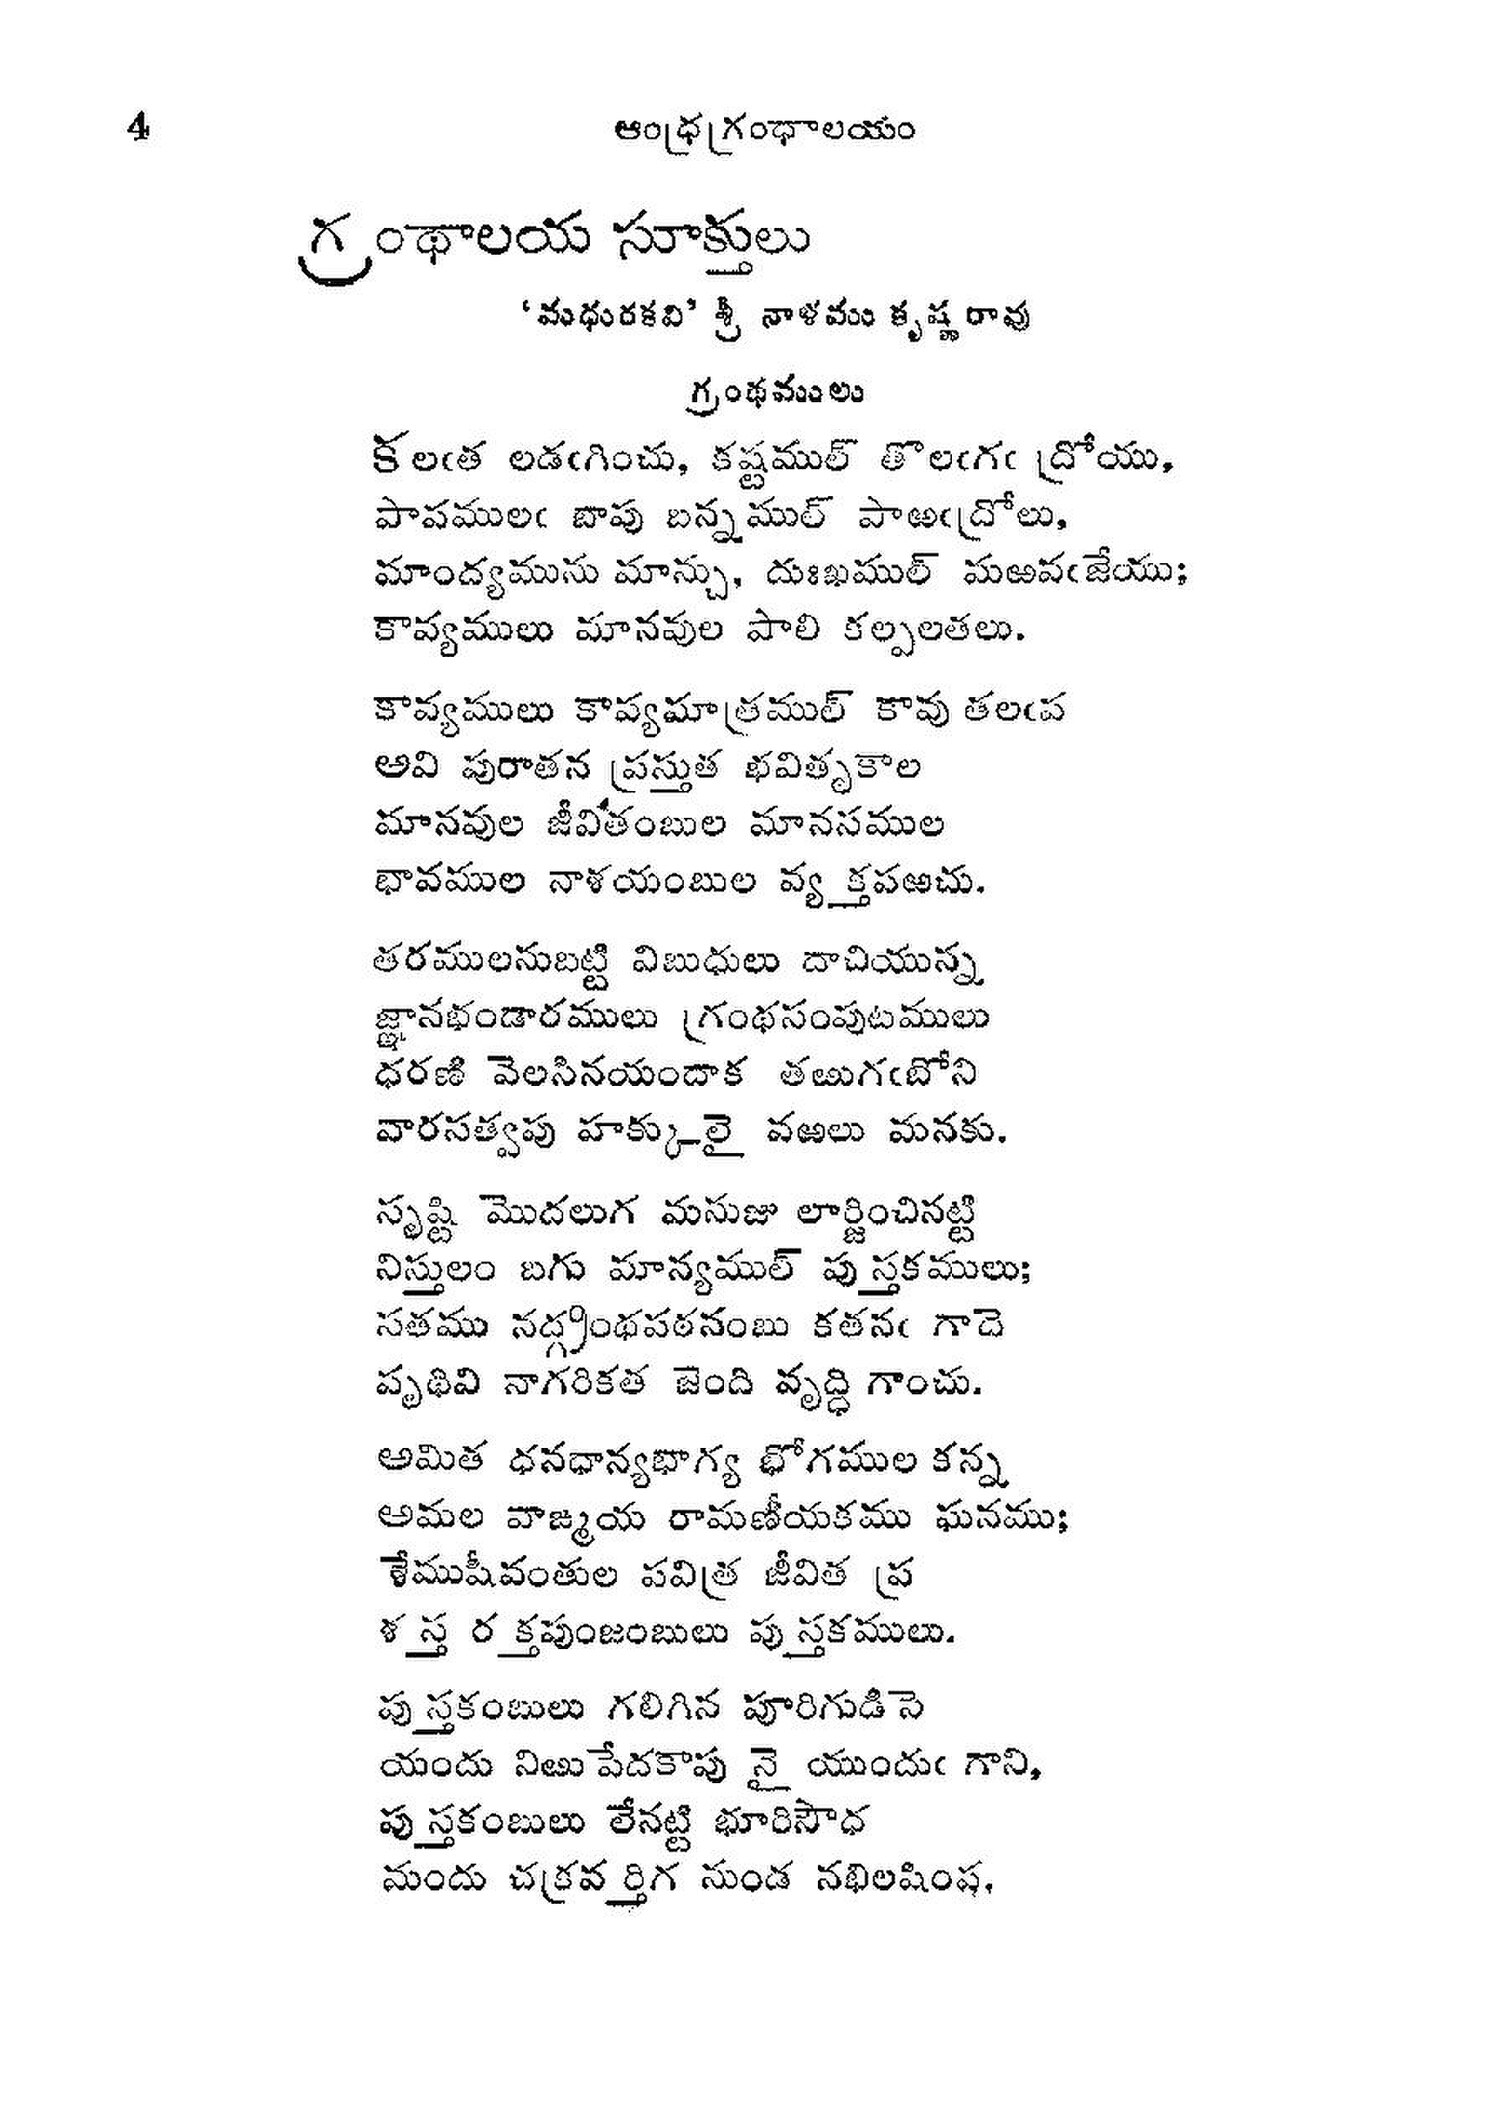కలఁత లడఁగించు, కష్టముల్ తొలఁగఁ ద్రోయు,
పాపములఁ బాపు బన్నముల్ పాఱఁద్రోలు,
మాంద్యమును మాన్చు, దుఃఖముల్ మఱవఁజేయు;
కావ్యములు మానవుల పాలి కల్పలతలు.

కావ్యములు కావ్యమాత్రముల్ కావు తలఁప
అవి పురాతన ప్రస్తుత భవితృకాల
మానవుల జీవితంబుల మానసముల
భావములు నాశయంబుల వ్యక్తపఱచు.

తరములనుబట్టి విబుధులు దాచియున్న
జ్ఞానభండారములు గ్రంథసంపుటములు
ధరణి వెలసినయందాక తఱుగఁబోని
వారసత్వపు హక్కులై వఱలు మనకు.

సృష్టి మొదలుగ మసుజు లార్జించినట్టి
నిస్తులం బగు మాన్యముల్ పుస్తకములు;
సతము నద్గ్రంథపఠనంబు కతనఁ గాదె
పృథివి నాగరికత జెంది వృద్ధి గాంచు.

అమిత ధనధాన్యభాగ్య భోగముల కన్న
అమల వాఙ్మయ రామణీయకము ఘనము;
శేముషీవంతుల పవిత్ర జీవిత ప్ర
శస్త రక్తపుంజంబులు పుస్తకములు.

పుస్తకంబులు గలిగిన పూరిగుడిసె
యందు నిఱుపేదకాపు నై యుందుఁ గాని,
పుస్తకంబులు లేనట్టి భూరిసౌధ
మందు చక్రవర్తిగ నుండ నభిలషింప.